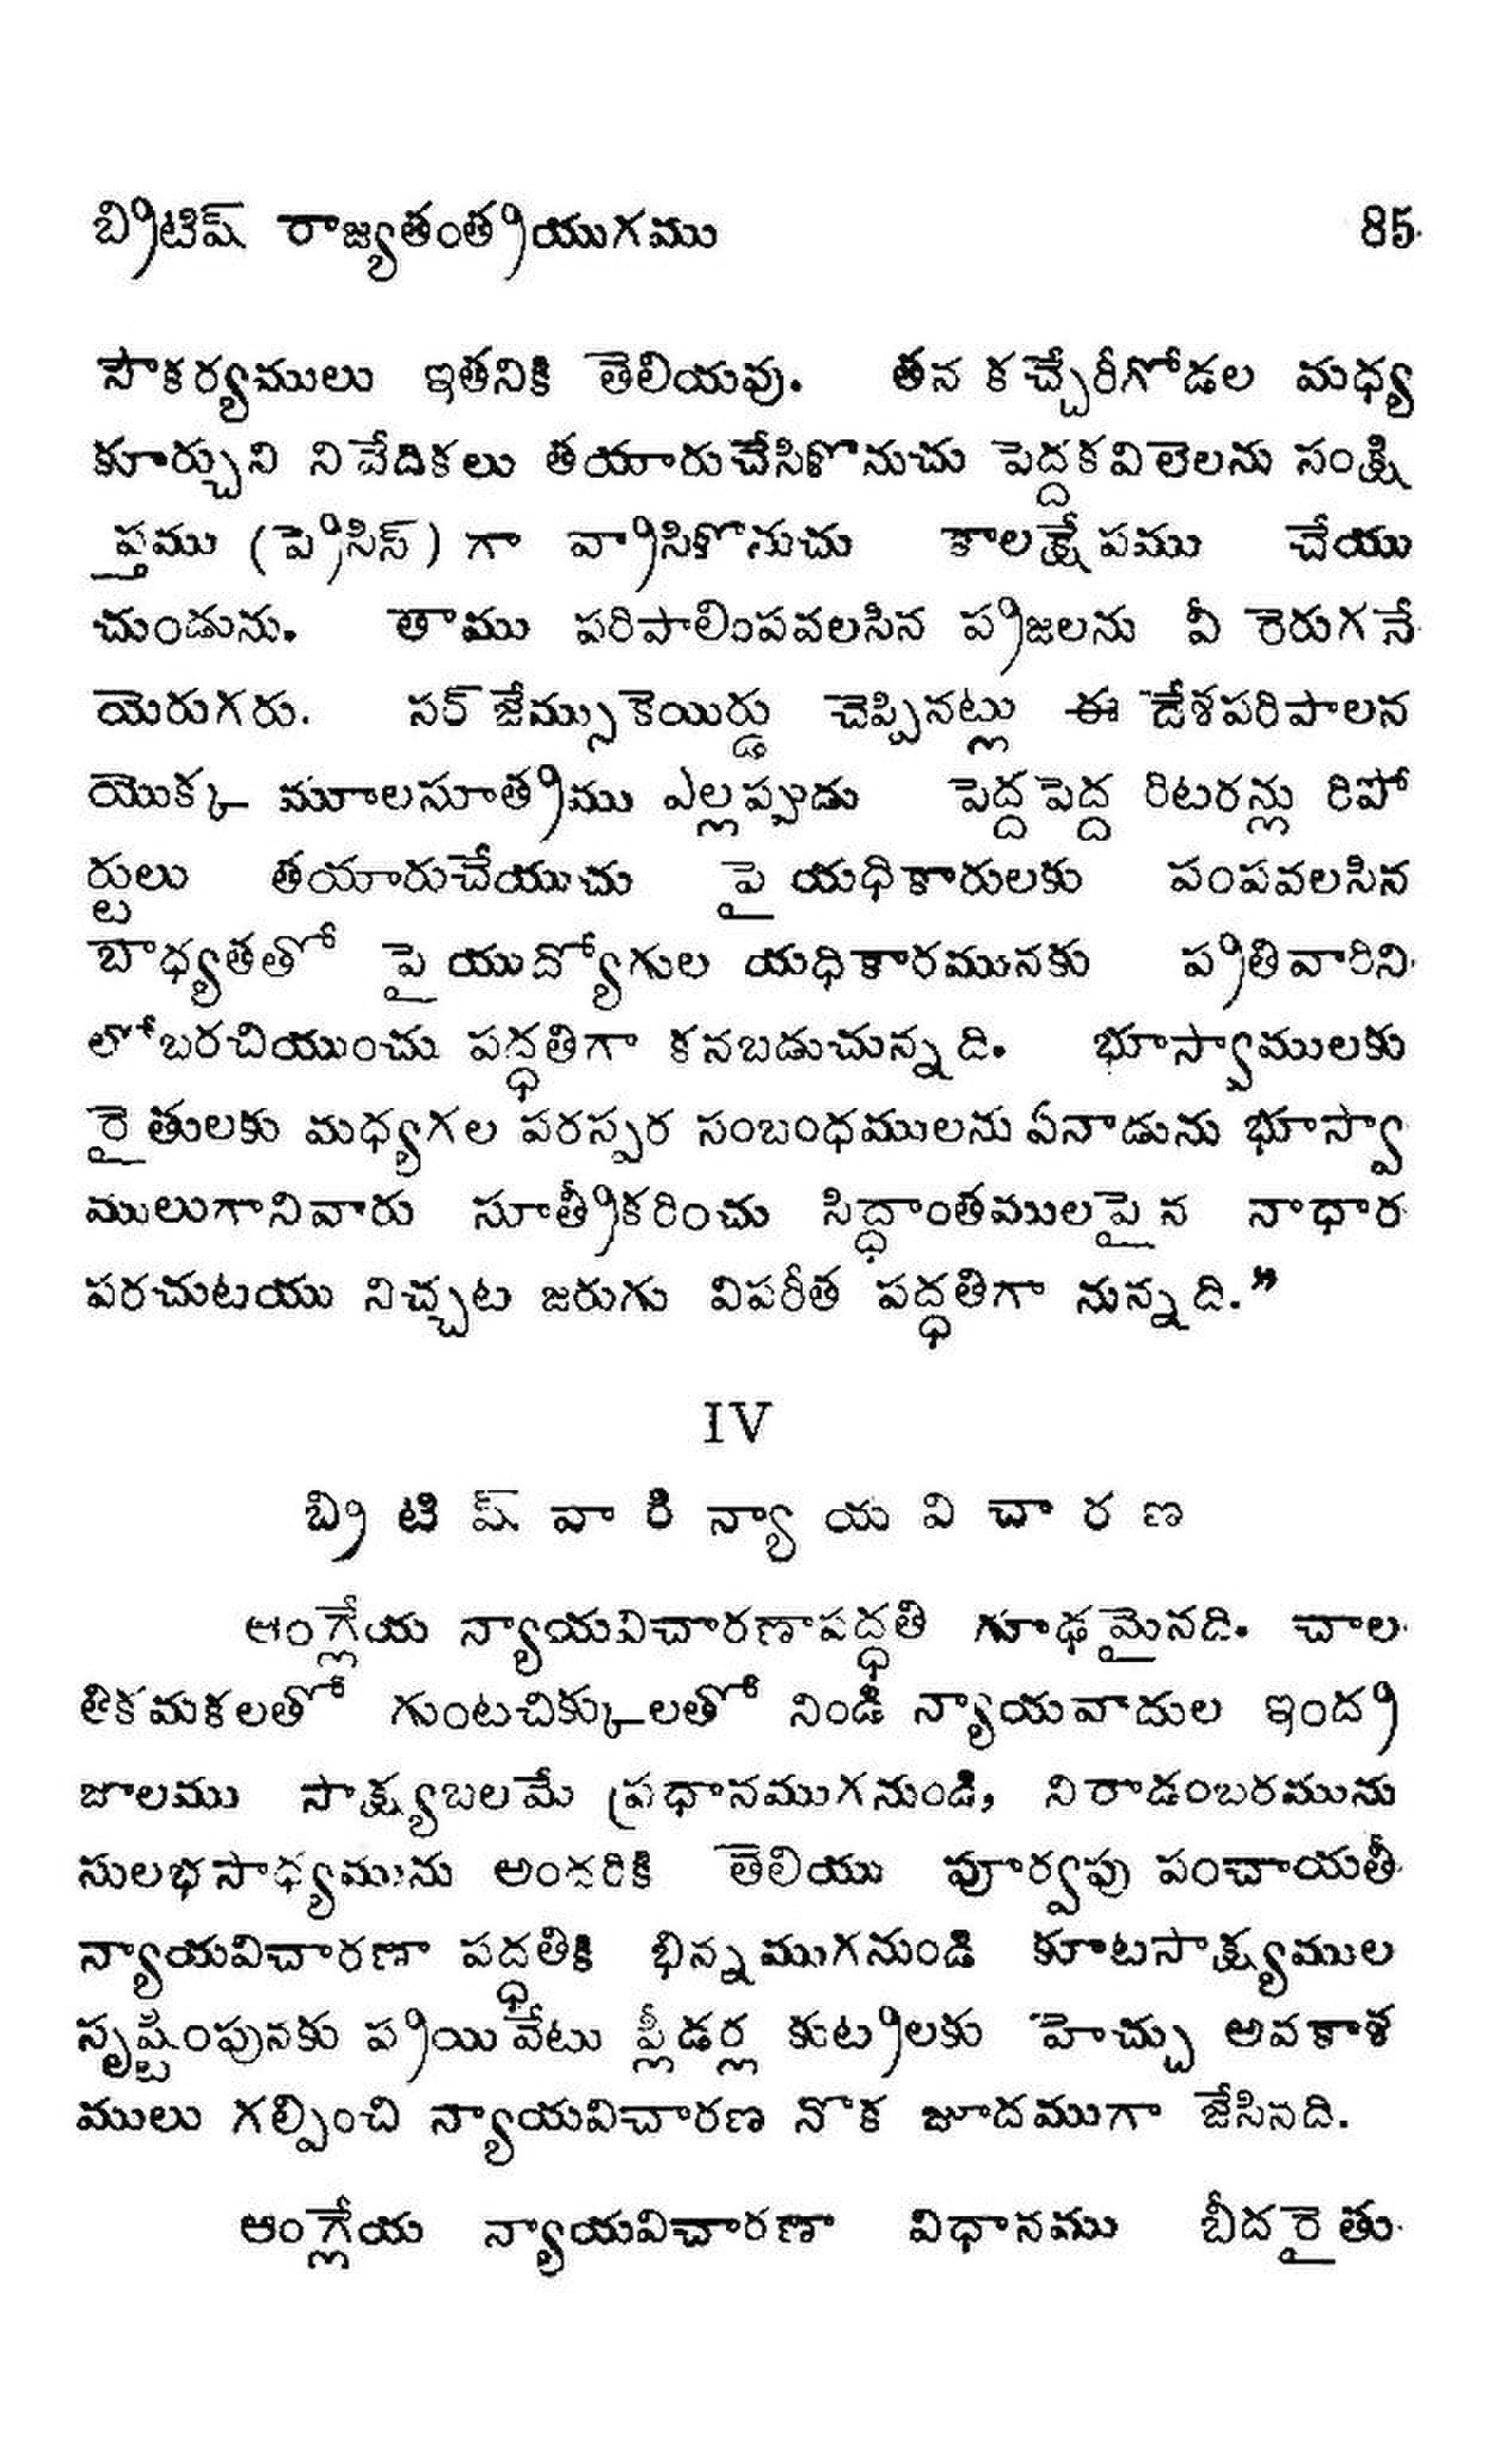సౌకర్యములు ఇతనికి తెలియవు. తన కచ్చేరీగోడల మధ్య కూర్చుని నివేదికలు తయారుచేసికొనుచు పెద్దకవిలెలను సంక్షిప్తము (ప్రెసిస్ ) గా వ్రాసికొనుచు కాలక్షేపము చేయుచుండును. తాము పరిపాలింపవలసిన ప్రజలను వీ రెరుగనే యెరుగరు. సర్ జేమ్సుకెయిర్డు చెప్పినట్లు ఈ దేశపరిపాలన యొక్క మూలసూత్రము ఎల్లప్పుడు పెద్ద పెద్ద రిటరన్లు రిపోర్టులు తయారుచేయుచు పై యధికారులకు పంపవలసిన బాధ్యతతో పై యుద్యోగుల యధికారమునకు ప్రతివారిని లోబరచియుంచు పద్ధతిగా కనబడుచున్నది. భూస్వాములకు రైతులకు మధ్యగల పరస్పర సంబంధములను ఏనాడును భూస్వాములుగానివారు సూత్రీకరించు సిద్ధాంతములపైన నాధార పరచుటయు నిచ్చట జరుగు విపరీత పద్దతిగా నున్నది."

IV
బ్రిటిష్ వారి న్యాయవిచారణ 

ఆంగ్లేయ న్యాయవిచారణాపద్దతి గూఢమైనది. చాల తికమకలతో గుంటచిక్కులతో నిండి న్యాయవాదుల ఇంద్రజాలము సాక్ష్యబలమే ప్రధానముగనుండి, నిరాడంబరమును సులభసాధ్యమును అందరికి తెలియు పూర్వపు పంచాయతీ న్యాయవిచారణా పద్ధతికి భిన్నముగనుండి కూటసాక్ష్యముల సృష్టింపునకు ప్రయివేటు ప్లీడర్ల కుట్రలకు హెచ్చు అవకాశములు గల్పించి న్యాయవిచారణ నొక జూదముగా జేసినది.

ఆంగ్లేయ న్యాయవిచారణా విధానము బీదరైతు